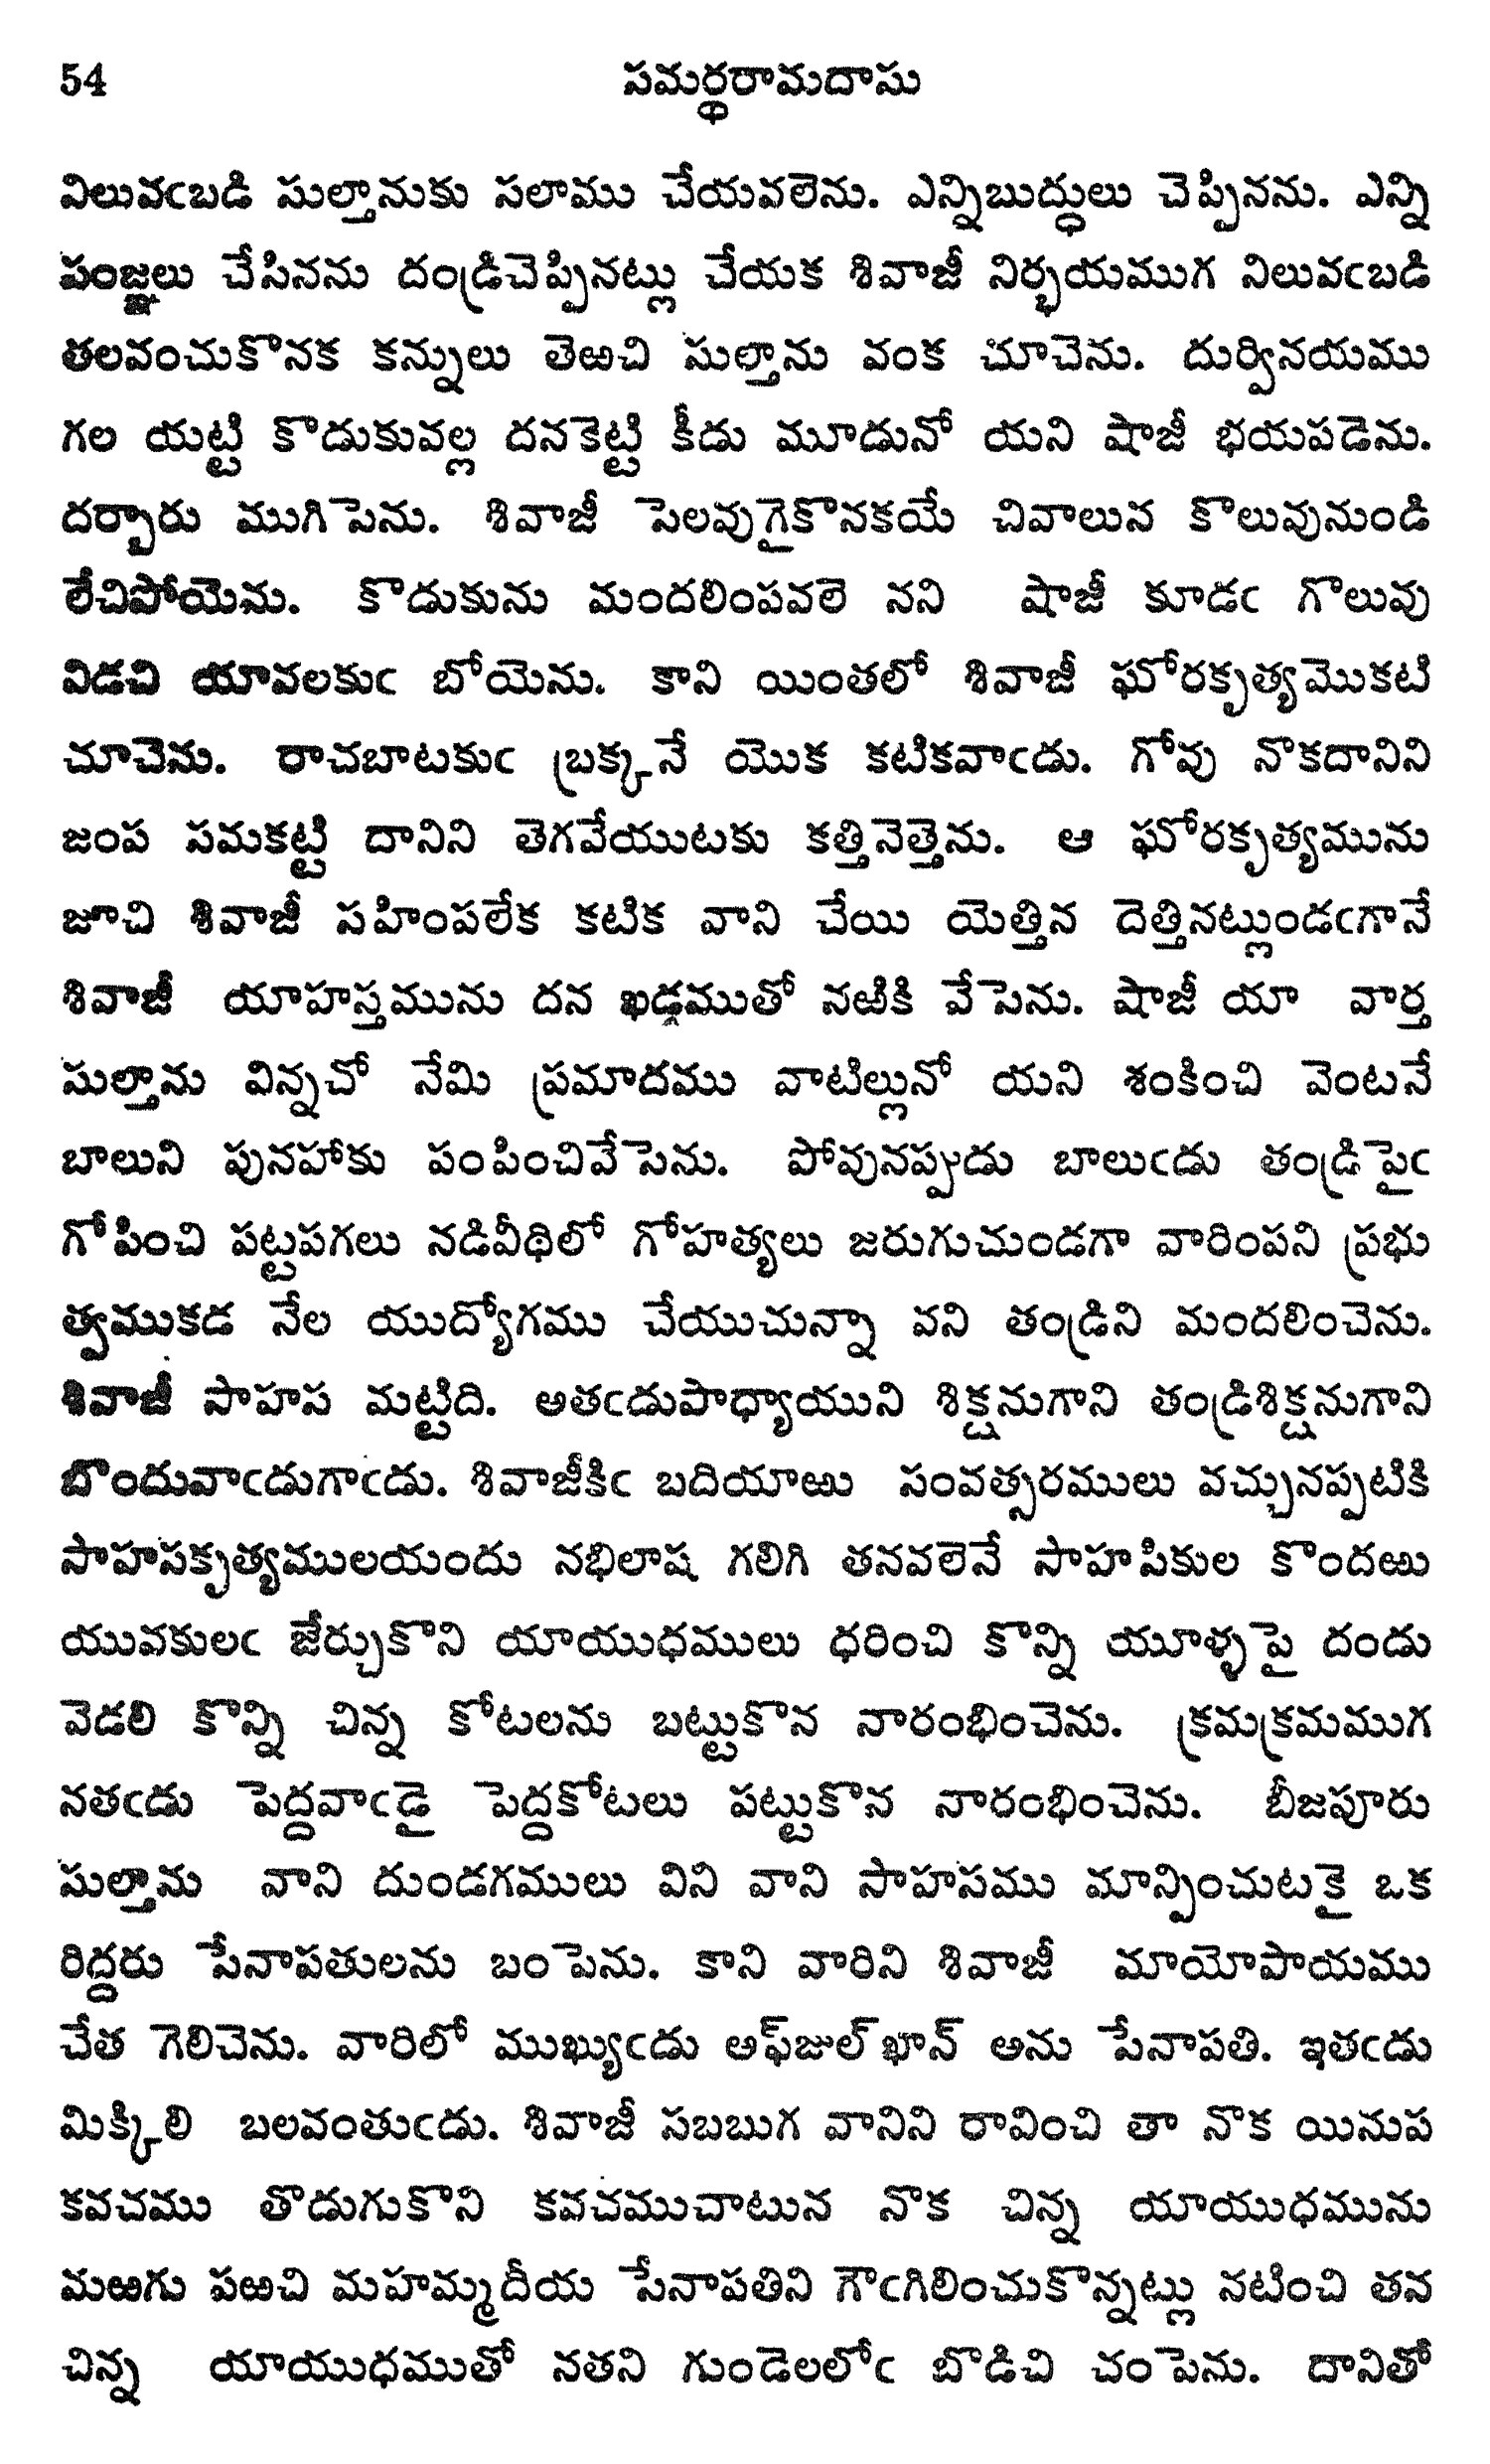నిలువబడి సుల్తానుకు సలాము చేయవలెను. ఎన్నిబుద్ధులు చెప్పినను, ఎన్ని సంజ్ఞలు చేసినను దండ్రిచెప్పినట్లు చేయక శివాజీ నిర్భయముగ నిలువబడి తలవంచుకొనక కన్నులు తెఱచి సుల్తాను వంక చూచెను. దుర్వినయము గల యట్టి కొడుకువల్ల దనకెట్టి కీడు మూడునో యని షాజీ భయపడెను. దర్బారు ముగిసెను. శివాజీ సెలవుగైకొనకయే చివాలున కొలువునుండి లేచిపోయెను. కొడుకును మందలింపవలె నని షాజీ కూడ గొలువు విడచి యావలకు బోయెను. కాని యింతలో శివాజీ ఘోరకృత్యమొకటి చూచెను. రాచబాటకు బ్రక్కనే యొక కటికవాడు, గోవు నొకదానిని జంప సమకట్టి దానిని తెగవేయుటకు కత్తినెత్తెను. ఆ ఘోరకృత్యమును జూచి శివాజీ సహింపలేక కటిక వాని చేయి యెత్తిన దెత్తినట్లుండగానే శివాజీ యాహస్తమును దన ఖడ్గముతో నఱికి వేసెను. షాజీ యా వార్త సుల్తాను విన్నచో నేమి ప్రమాదము వాటిల్లునో యని శంకించి వెంటనే బాలుని పునహాకు పంపించివేసెను. పోవునప్పుడు బాలుడు తండ్రిపై గోపించి పట్టపగలు నడివీథిలో గోహత్యలు జరుగుచుండగా వారింపని ప్రభుత్వముకడ నేల యుద్యోగము చేయుచున్నా వని తండ్రిని మందలించెను. శివాజీ సాహస మట్టిది. అతడుపాధ్యాయుని శిక్షనుగాని తండ్రిశిక్షనుగాని బొందువాడుగాడు. శివాజీకి బదియాఱు సంవత్సరములు వచ్చునప్పటికి సాహసకృత్యములయందు నభిలాష గలిగి తనవలెనే సాహసికుల కొందఱు యువకుల జేర్చుకొని యాయుధముల ధరించి కొన్ని యూళ్ళపై దండు వెడలి కొన్ని చిన్న కోటలను బట్టుకొన నారంభించెను. క్రమక్రమముగ నతడు పెద్దవాడై పెద్దకోటలు పట్టుకొన నారంభించెను. బీజపూరు సుల్తాను వాని దుండగములు విని వాని సాహసము మాన్పించుటకై ఒక రిద్దరు సేనాపతులను బంపెను. కాని వారిని శివాజీ మాయోపాయము చేత గెలిచెను. వారిలో ముఖ్యుడు ఆఫ్‌జుల్‌ఖాన్ అను సేనాపతి. ఇతడు మిక్కిలి బలవంతుడు. శివాజీ సబబుగ వానిని రావించి తా నొక యినుప కవచము తొడుగుకొని కవచము చాటున నొక చిన్న యాయుధమును మఱగు పఱచి మహమ్మదీయ సేనాపతిని గౌగిలించుకొన్నట్లు నటించి తన చిన్న యాయుధముతో నతని గుండెలలో బొడిచి చంపెను. దానితో